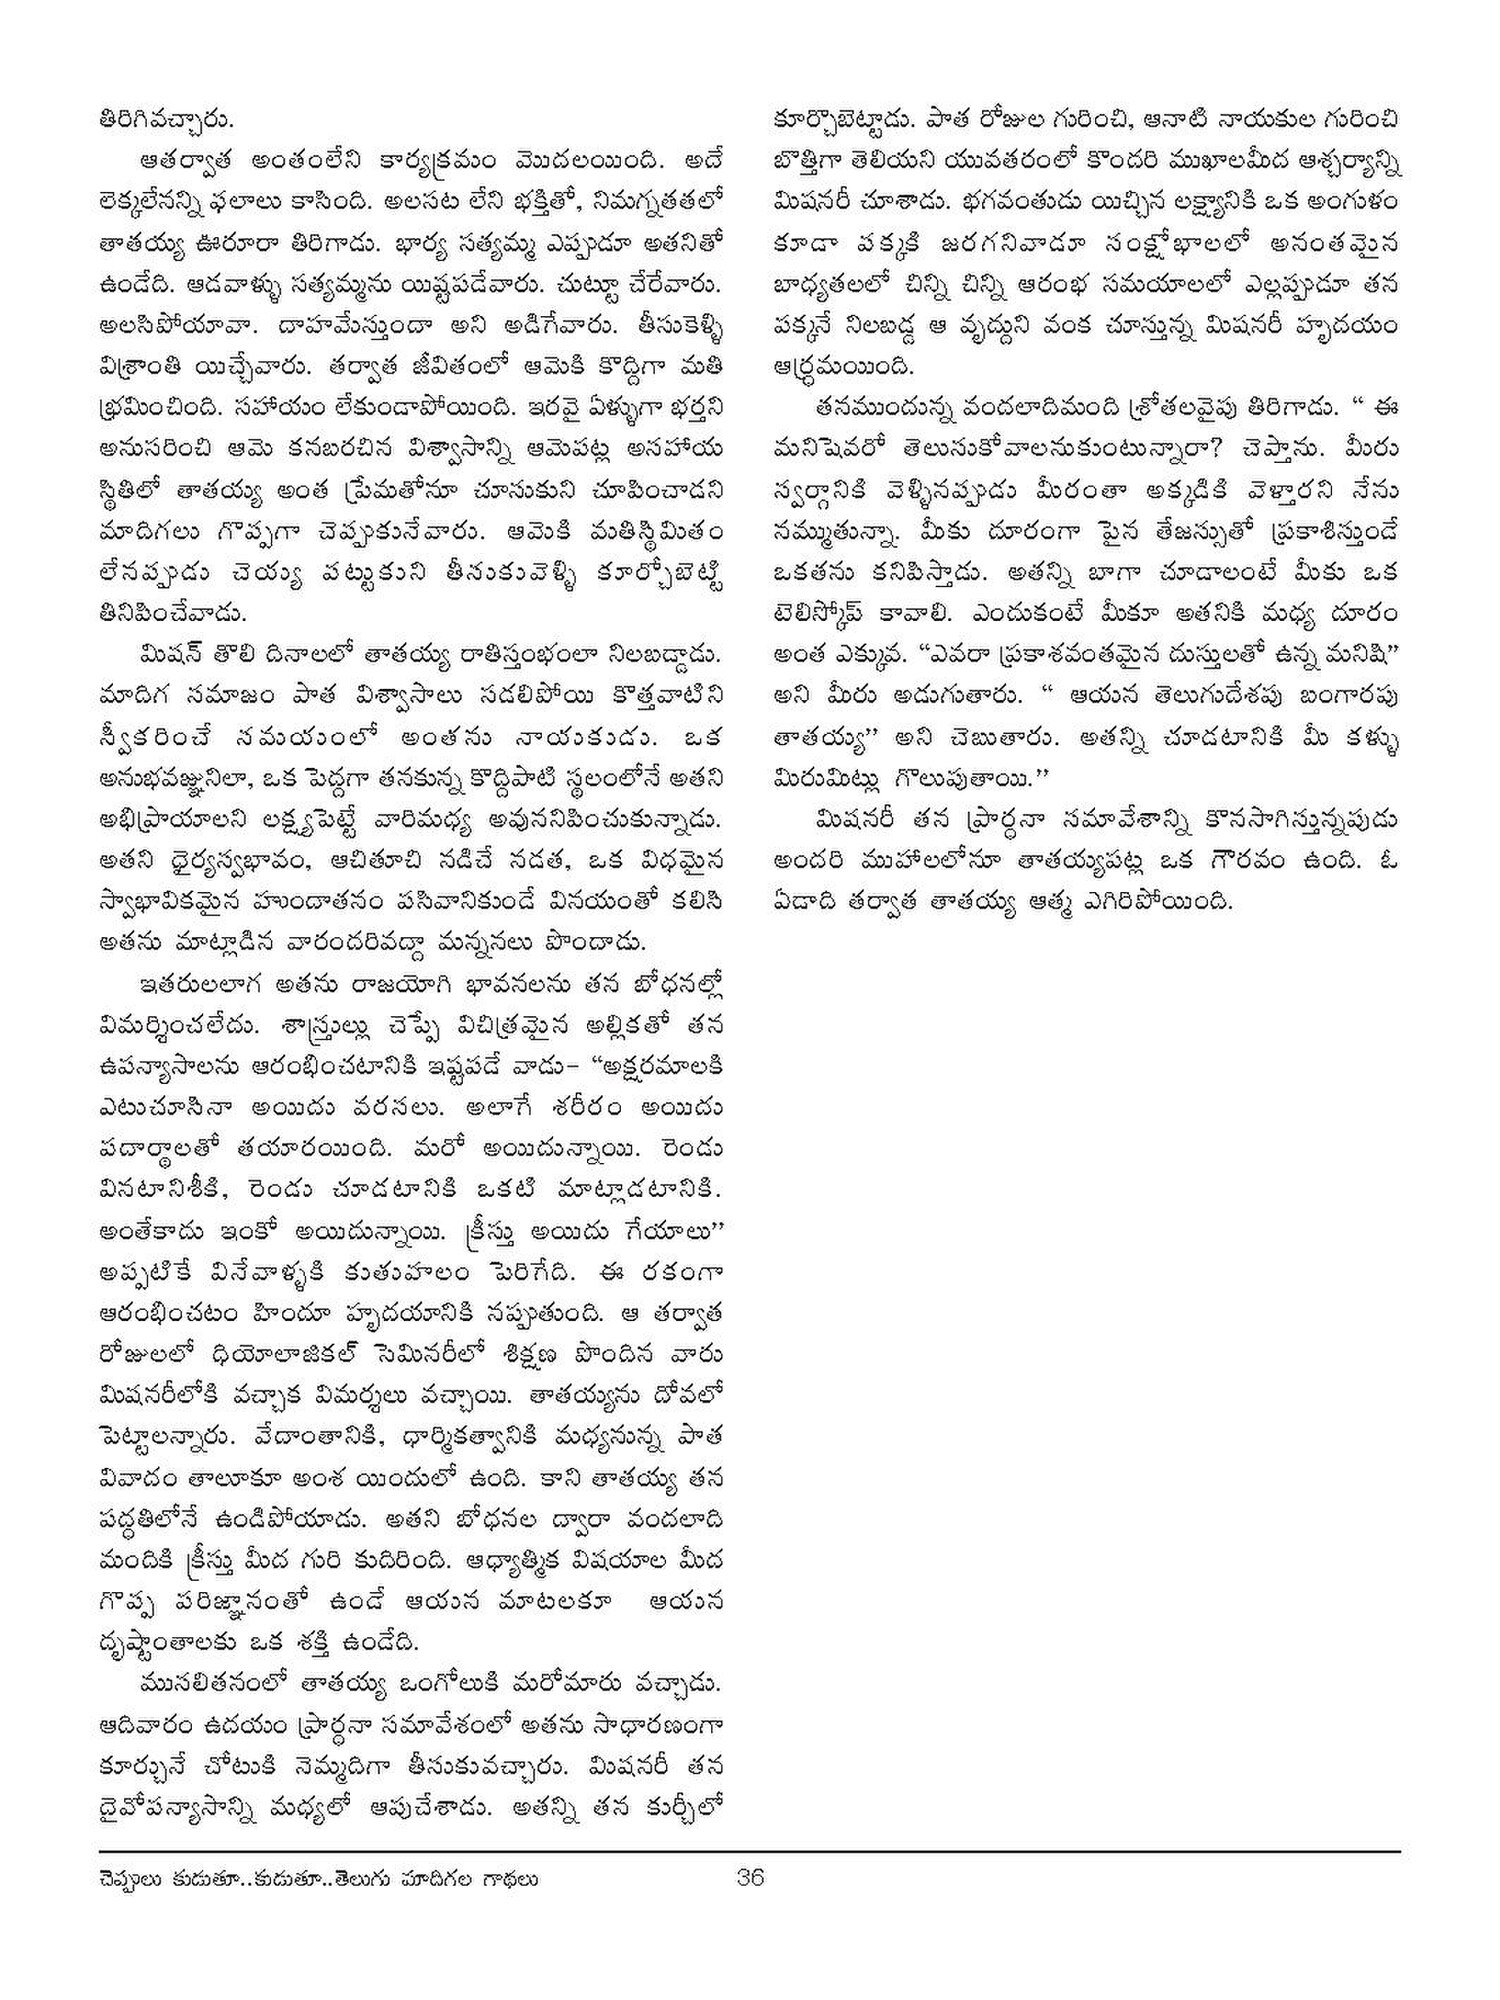తిరిగివచ్చారు.

ఆతర్వాత అంతంలేని కార్యక్రమం మొదలయింది. అదే
లెక్కలేనన్ని ఫలాలు కాసింది. అలసట లేని భక్తితో, నిమగ్నతతలో
తాతయ్య ఊరూరా తిరిగాడు. భార్య సత్యమ్మ ఎప్పుడూ అతనితో
ఉండేది. ఆడవాళ్ళు సత్యమ్మను యిష్టపడేవారు. చుట్టూ చేరేవారు.
అలసిపోయావా. దాహమేస్తుందా అని అడిగేవారు. తీసుకెళ్ళి
విశ్రాంతి యిచ్చేవారు. తర్వాత జీవితంలో ఆమెకి కొద్దిగా మతి
భ్రమించింది. సహాయం లేకుండాపోయింది. ఇరవై ఏళ్ళుగా భర్తని
అనుసరించి ఆమె కనబరచిన విశ్వాసాన్ని ఆమెపట్ల అసహాయ
స్థితిలో తాతయ్య అంత ప్రేమతోనూ చూసుకుని చూపించాడని
మాదిగలు గొప్పగా చెప్పుకునేవారు. ఆమెకి మతిస్థిమితం
లేనప్పుడు చెయ్య పట్టుకుని తీసుకువెళ్ళి కూర్చోబెట్టి
తినిపించేవాడు.

మిషన్ తొలి దినాలలో తాతయ్య రాతిస్తంభంలా నిలబడ్డాడు.
మాదిగ సమాజం పాత విశ్వాసాలు సడలిపోయి కొత్తవాటిని
స్వీకరించే సమయంలో అంతను నాయకుడు. ఒక
అనుభవజ్ఞునిలా, ఒక పెద్దగా తనకున్న కొద్దిపాటి స్థలంలోనే అతని
అభిప్రాయాలని లక్ష్యపెట్టే వారిమధ్య అవుననిపించుకున్నాడు.
అతని ధైర్యస్వభావం, ఆచితూచి నడిచే నడత, ఒక విధమైన
స్వాభావికమైన హుందాతనం పసివానికుండే వినయంతో కలిసి
అతను మాట్లాడిన వారందరివద్దా మన్ననలు పొందాడు.

ఇతరులలాగ అతను రాజయోగి భావనలను తన బోధనల్లో
విమర్శించలేదు. శాస్త్రులు చెప్పే విచిత్రమైన అల్లికతో తన
ఉపన్యాసాలను ఆరంభించటానికి ఇష్టపడే వాడు- "అక్షరమాలకి
ఎటుచూసినా అయిదు వరసలు. అలాగే శరీరం అయిదు
పదార్థాలతో తయారయింది. మరో అయిదున్నాయి. రెండు
వినటానిశీకి, రెండు చూడటానికి ఒకటి మాట్లాడటానికి.
అంతేకాదు ఇంకో అయిదున్నాయి. క్రీస్తు అయిదు గేయాలు”
అప్పటికే వినేవాళ్ళకి కుతుహలం పెరిగేది. ఈ రకంగా
ఆరంభించటం హిందూ హృదయానికి నప్పుతుంది. ఆ తర్వాత
రోజులలో థియోలాజికల్ సెమినరీలో శిక్షణ పొందిన వారు
మిషనరీలోకి వచ్చాక విమర్శలు వచ్చాయి. తాతయ్యను దోవలో
పెట్టాలన్నారు. వేదాంతానికి, ధార్మికత్వానికి మధ్యనున్న పాత
వివాదం తాలూకూ అంశ యిందులో ఉంది. కాని తాతయ్య తన
పద్ధతిలోనే ఉండిపోయాడు. అతని బోధనల ద్వారా వందలాది
మందికి క్రీస్తు మీద గురి కుదిరింది. ఆధ్యాత్మిక విషయాల మీద
గొప్ప పరిజ్ఞానంతో ఉండే ఆయన మాటలకూ ఆయన
దృష్టాంతాలకు ఒక శక్తి ఉండేది.

ముసలితనంలో తాతయ్య ఒంగోలుకి మరోమారు వచ్చాడు.
ఆదివారం ఉదయం ప్రార్ధనా సమావేశంలో అతను సాధారణంగా
కూర్చునే చోటుకి నెమ్మదిగా తీసుకువచ్చారు. మిషనరీ తన
దైవోపన్యాసాన్ని మధ్యలో ఆపుచేశాడు. అతన్ని తన కుర్చీలో
కూర్చొబెట్టాడు. పాత రోజుల గురించి, ఆనాటి నాయకుల గురించి
బొత్తిగా తెలియని యువతరంలో కొందరి ముఖాలమీద ఆశ్చర్యాన్ని
మిషనరీ చూశాడు. భగవంతుడు యిచ్చిన లక్ష్యానికి ఒక అంగుళం
కూడా పక్కకి జరగనివాడూ సంక్షోభాలలో అనంతమైన
బాధ్యతలలో చిన్ని చిన్ని ఆరంభ సమయాలలో ఎల్లప్పుడూ తన
పక్కనే నిలబడ్డ ఆ వృద్ధుని వంక చూస్తున్న మిషనరీ హృదయం
ఆర్ద్రమయింది.

తనముందున్న వందలాదిమంది శ్రోతలవైపు తిరిగాడు. " ఈ
మనిషెవరో తెలుసుకోవాలనుకుంటున్నారా? చెప్తాను. మీరు
స్వర్గానికి వెళ్ళినప్పుడు మీరంతా అక్కడికి వెళ్తారని నేను
నమ్ముతున్నా. మీకు దూరంగా పైన తేజస్సుతో ప్రకాశిస్తుండే
ఒకతను కనిపిస్తాడు. అతన్ని బాగా చూడాలంటే మీకు ఒక
టెలిస్కోప్ కావాలి. ఎందుకంటే మీకూ అతనికి మధ్య దూరం
అంత ఎక్కువ. "ఎవరా ప్రకాశవంతమైన దుస్తులతో ఉన్న మనిషి”
అని మీరు అడుగుతారు. " ఆయన తెలుగుదేశపు బంగారపు
తాతయ్య” అని చెబుతారు. అతన్ని చూడటానికి మీ కళ్ళు
మిరుమిట్లు గొలుపుతాయి.”

మిషనరీ తన ప్రార్ధనా సమావేశాన్ని కొనసాగిస్తున్నపుడు
అందరి ముహాలలోనూ తాతయ్యపట్ల ఒక గౌరవం ఉంది. ఓ
ఏడాది తర్వాత తాతయ్య ఆత్మ ఎగిరిపోయింది.